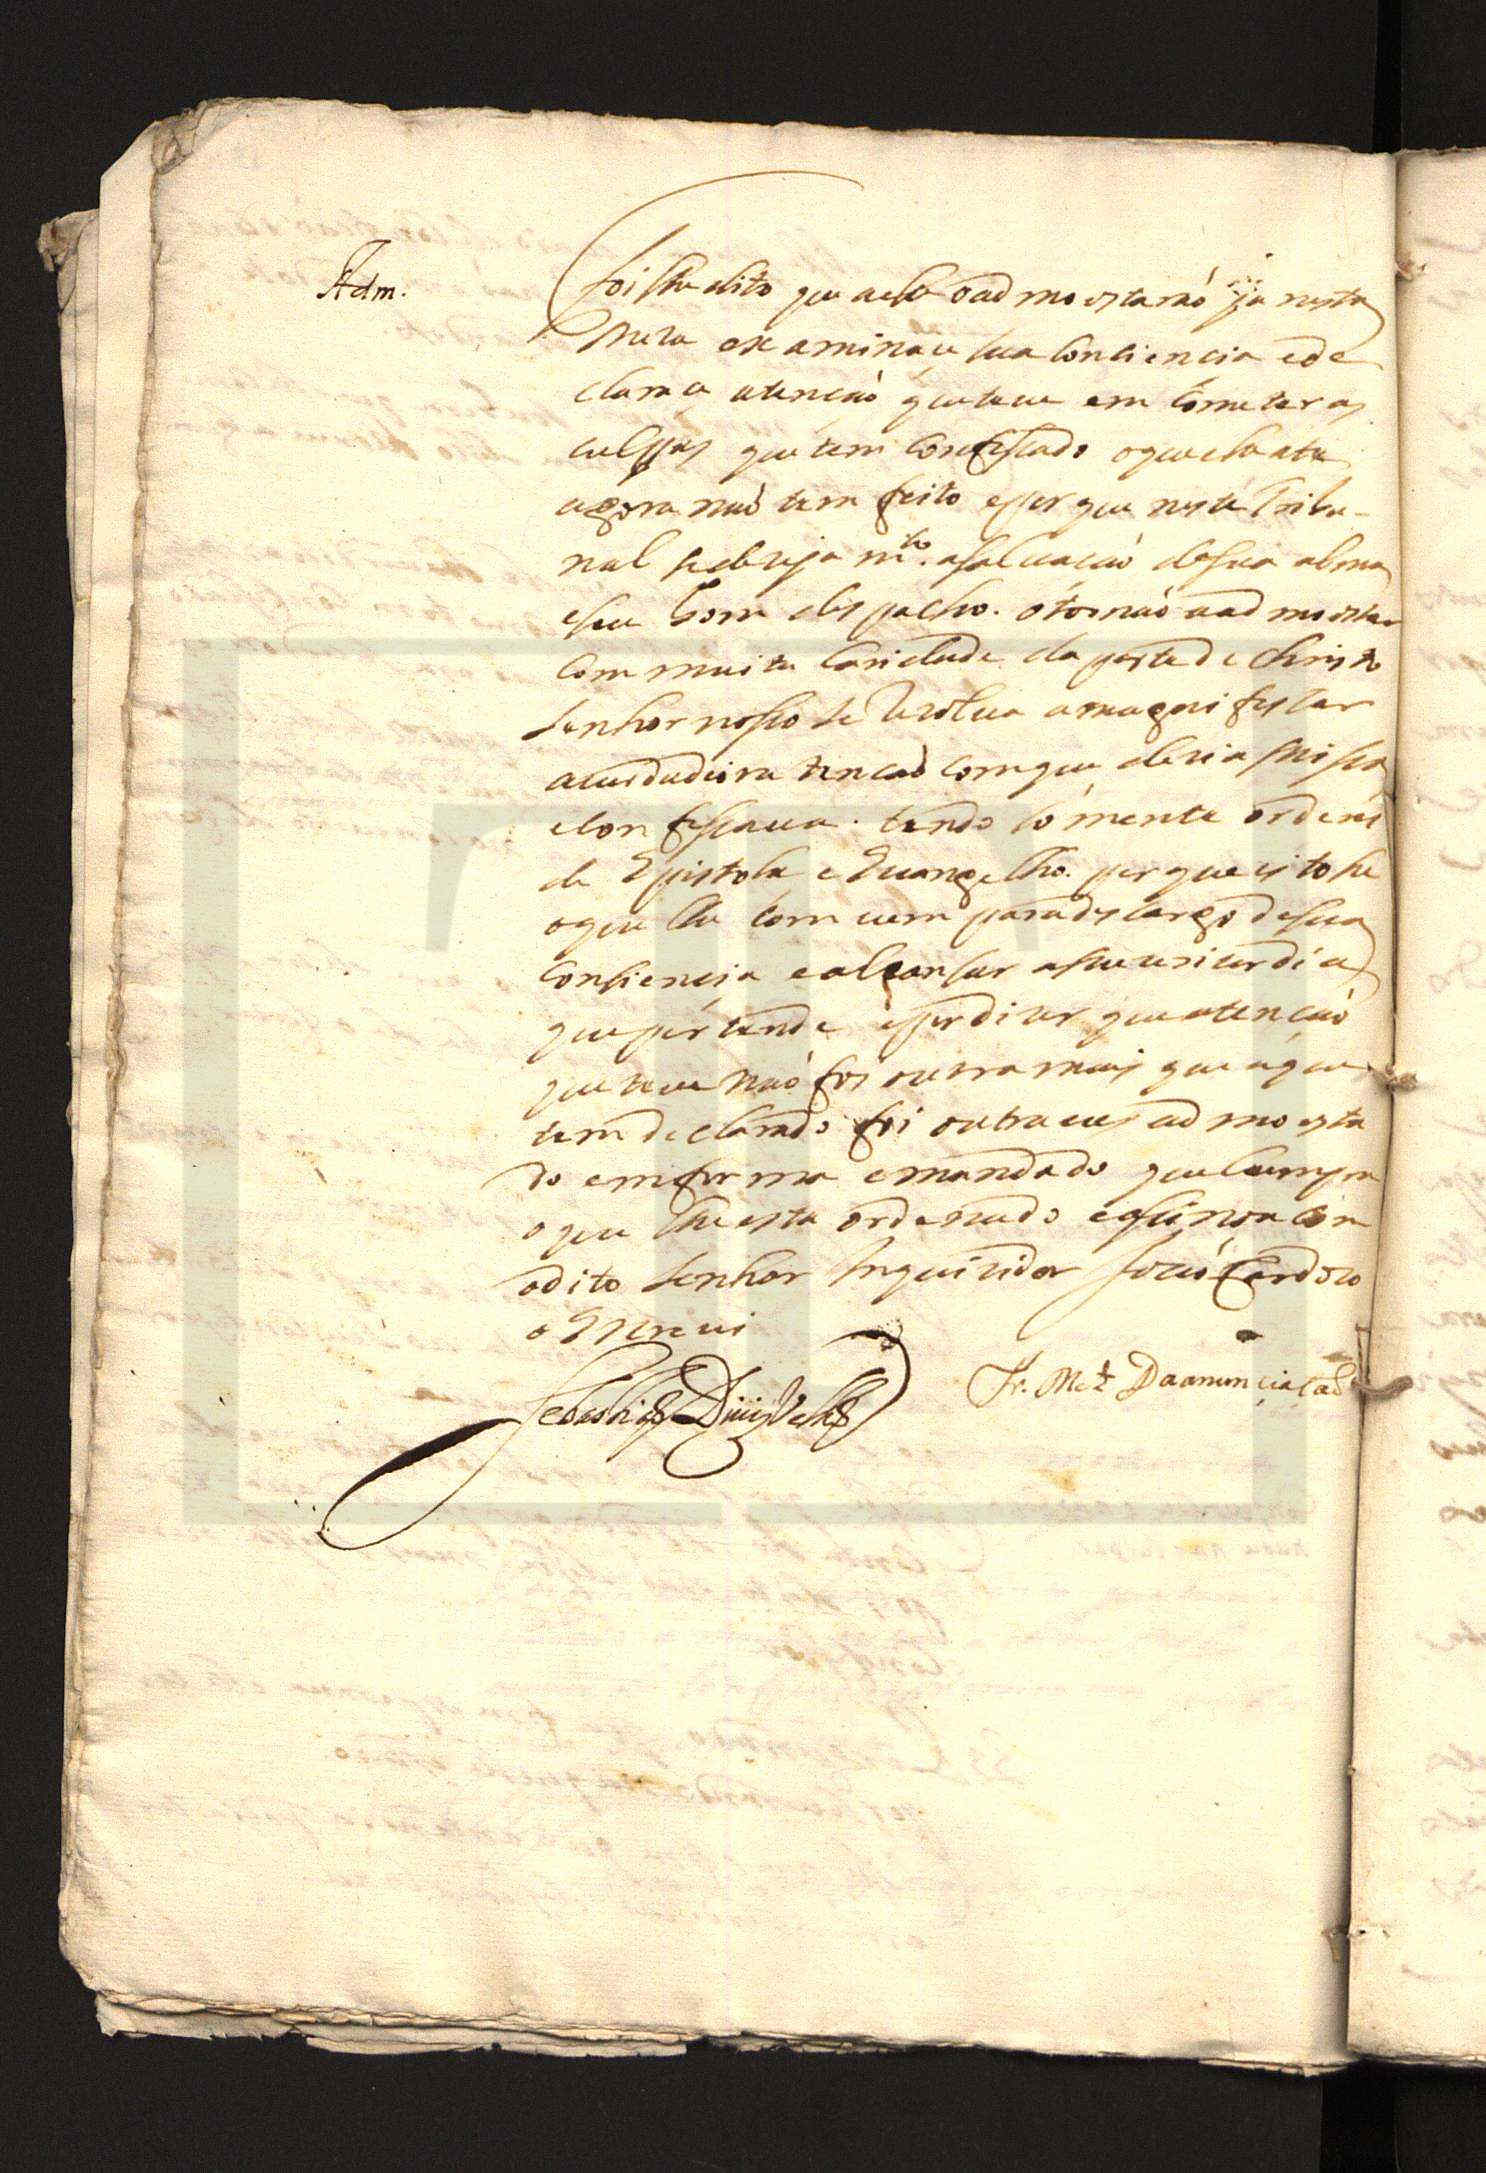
Adm.
Foilhe dito que a elle o admoestaraõ ja nesta
meza examinou sua conciençia e de
claraçe a tençaõ que teue em cometer as
culpas que tem confessado o que ela ate
agora naõ tem feito e per que neste Tribu
nal se dezeja mto. a saluaçaõ de sua alma,
e seu bom despacho. o tornaõ a admoesta
com muita Caridade da parte de christo
senhor nosso se Rezolua a magnifestar
a uerdadeira tencaõ com que dezia missa
e confessaua. tendo sómente ordens
de Epistola, e Euangelho per que isto he
o que lhe comuem para descargo de sua
consiençia e alcancar a mezericordia
que pertende e por dizer que a tençaõ
que tem naõ foi outra mais que a que
tem declarado foi outra uez admoesta
do em forma e mandado que Cumpra
o que lhe esta ordenado e assinou com
o dito senhor Inquizidor Joaõ Cardozo
o Escreui
